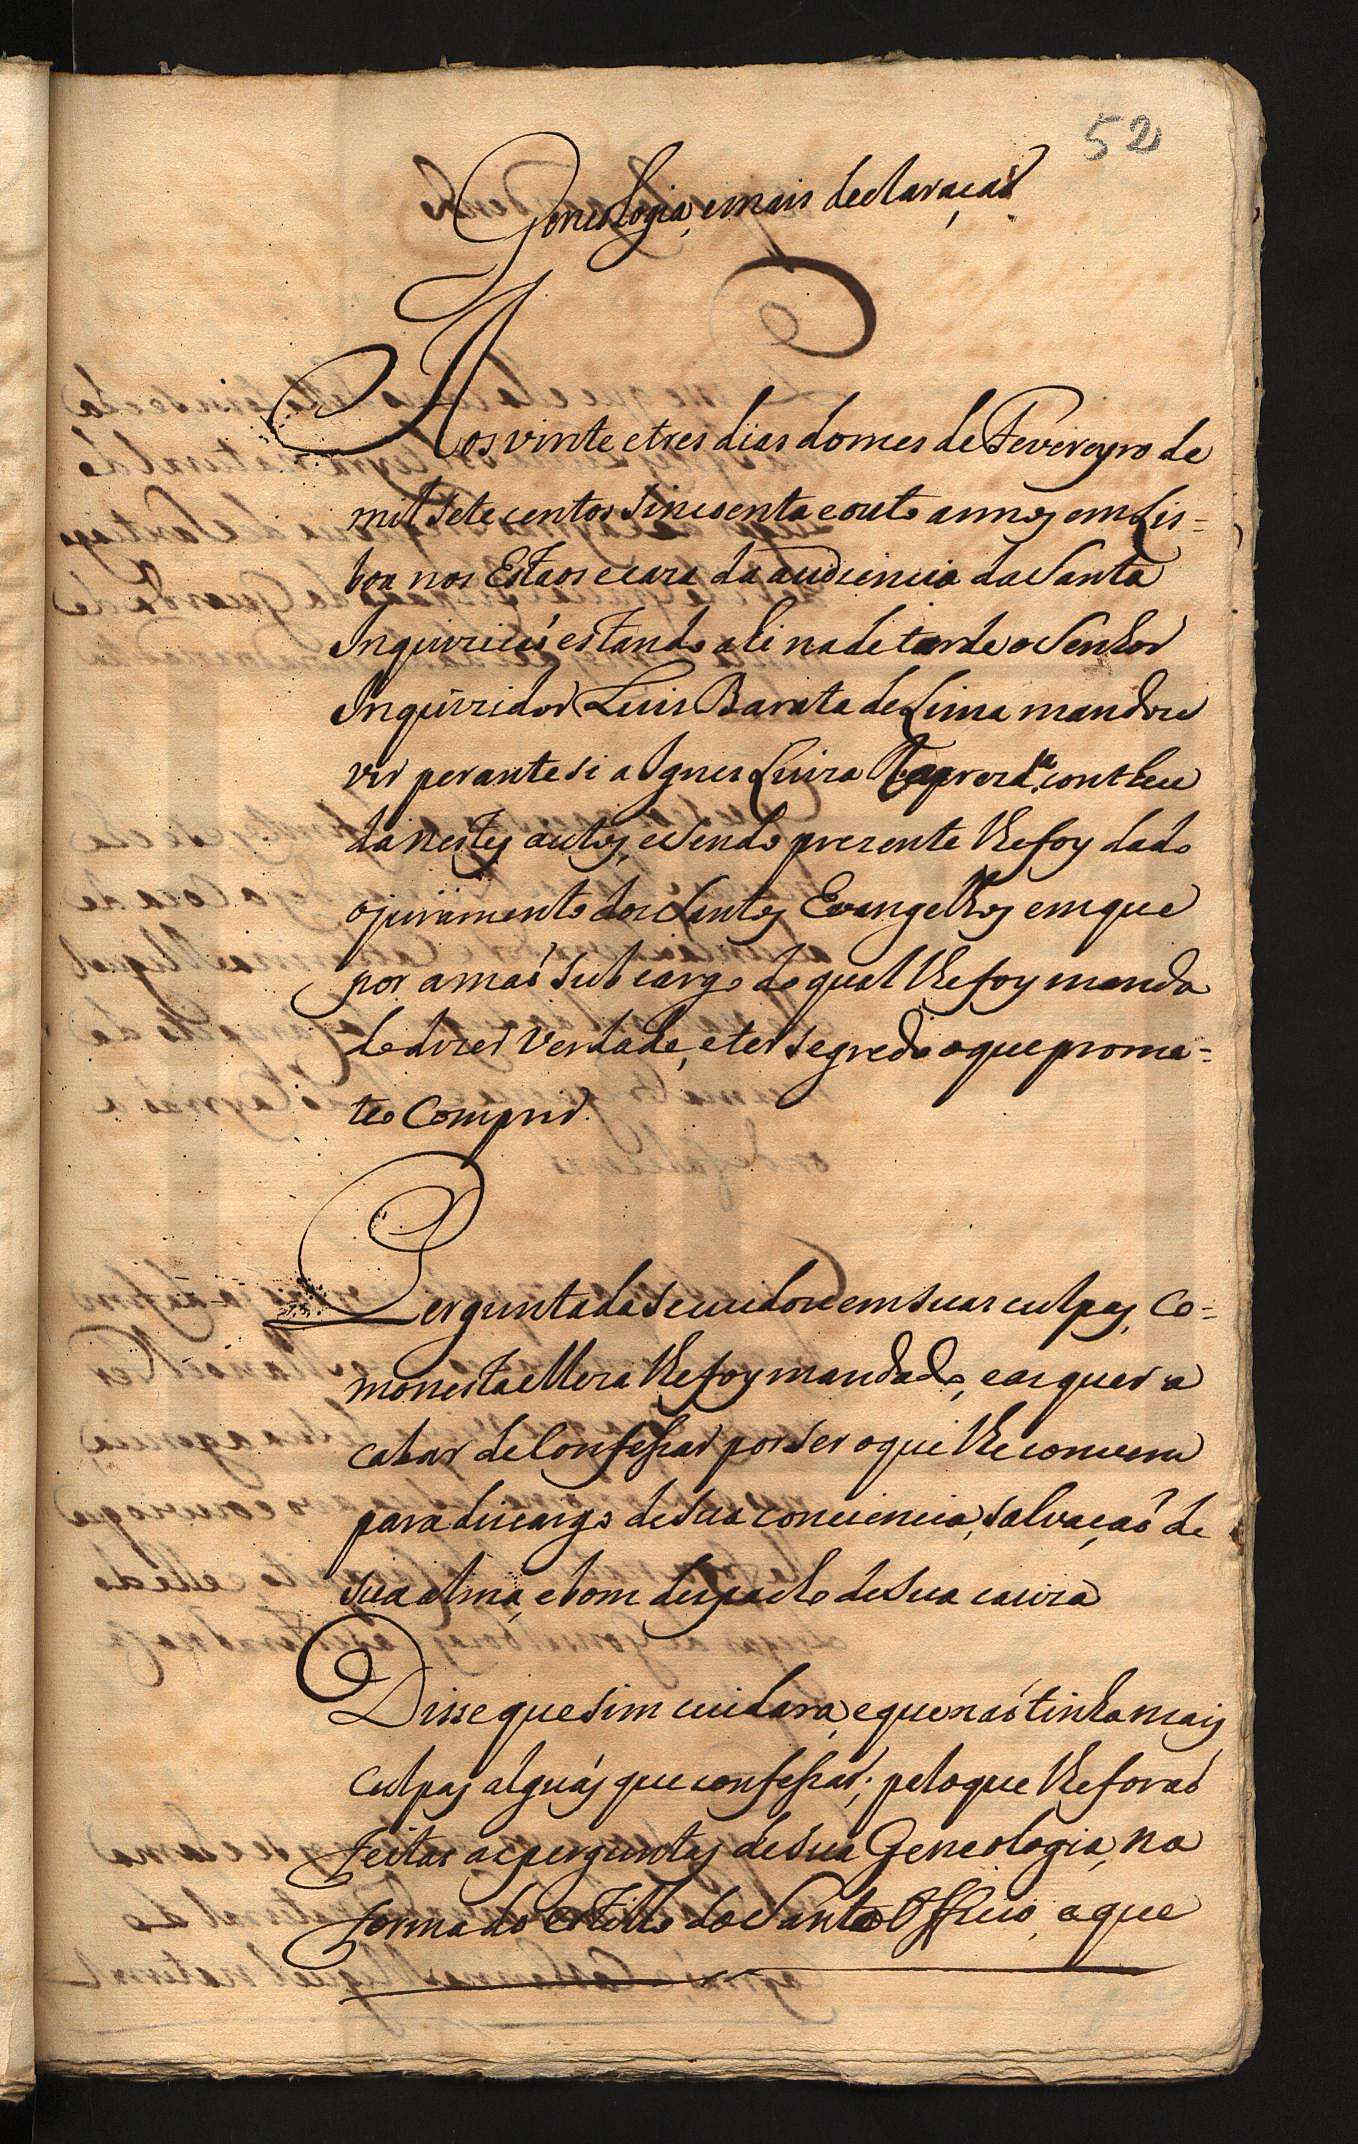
Geneologia, e mais declaraçaõ
Aos vinte e tres dias do mes de Fevereyro de
mil setecentos sincoenta e outo annos em Lis
boa nos Estaos e caza da audiencia da Santa
Inquiziçaõ estando ahi na de tarde o Senhor
Inquizidor Luiz Barata de Lima mandou
vir perante si a Ignes Luiza Raprezd.a contheu
da nestes autos, e sendo prezente lhe foy dado
o juramento dos Santos Evangelhos em que
por a maõ sub cargo do qual lhe foy manda
do dizer verdade, e ter segredo o que prome
teo comprir.
Perguntada se cuidou em suas culpas, co
mo nesta Meza lhe foy mandado, e as quer a
cabar de Confessar por ser o que lhe conuem
para descargo de sua conciencia, salvaçaõ de
sua alma, e bom despacho de Sua cauza
Disse que sim cuidara, e que naõ tinha mais
culpas alguās que confessar; pelo que lhe foraõ
feitas as perguntas de Sua Geneologia, na
forma do estillo do Santo Officio, a que
